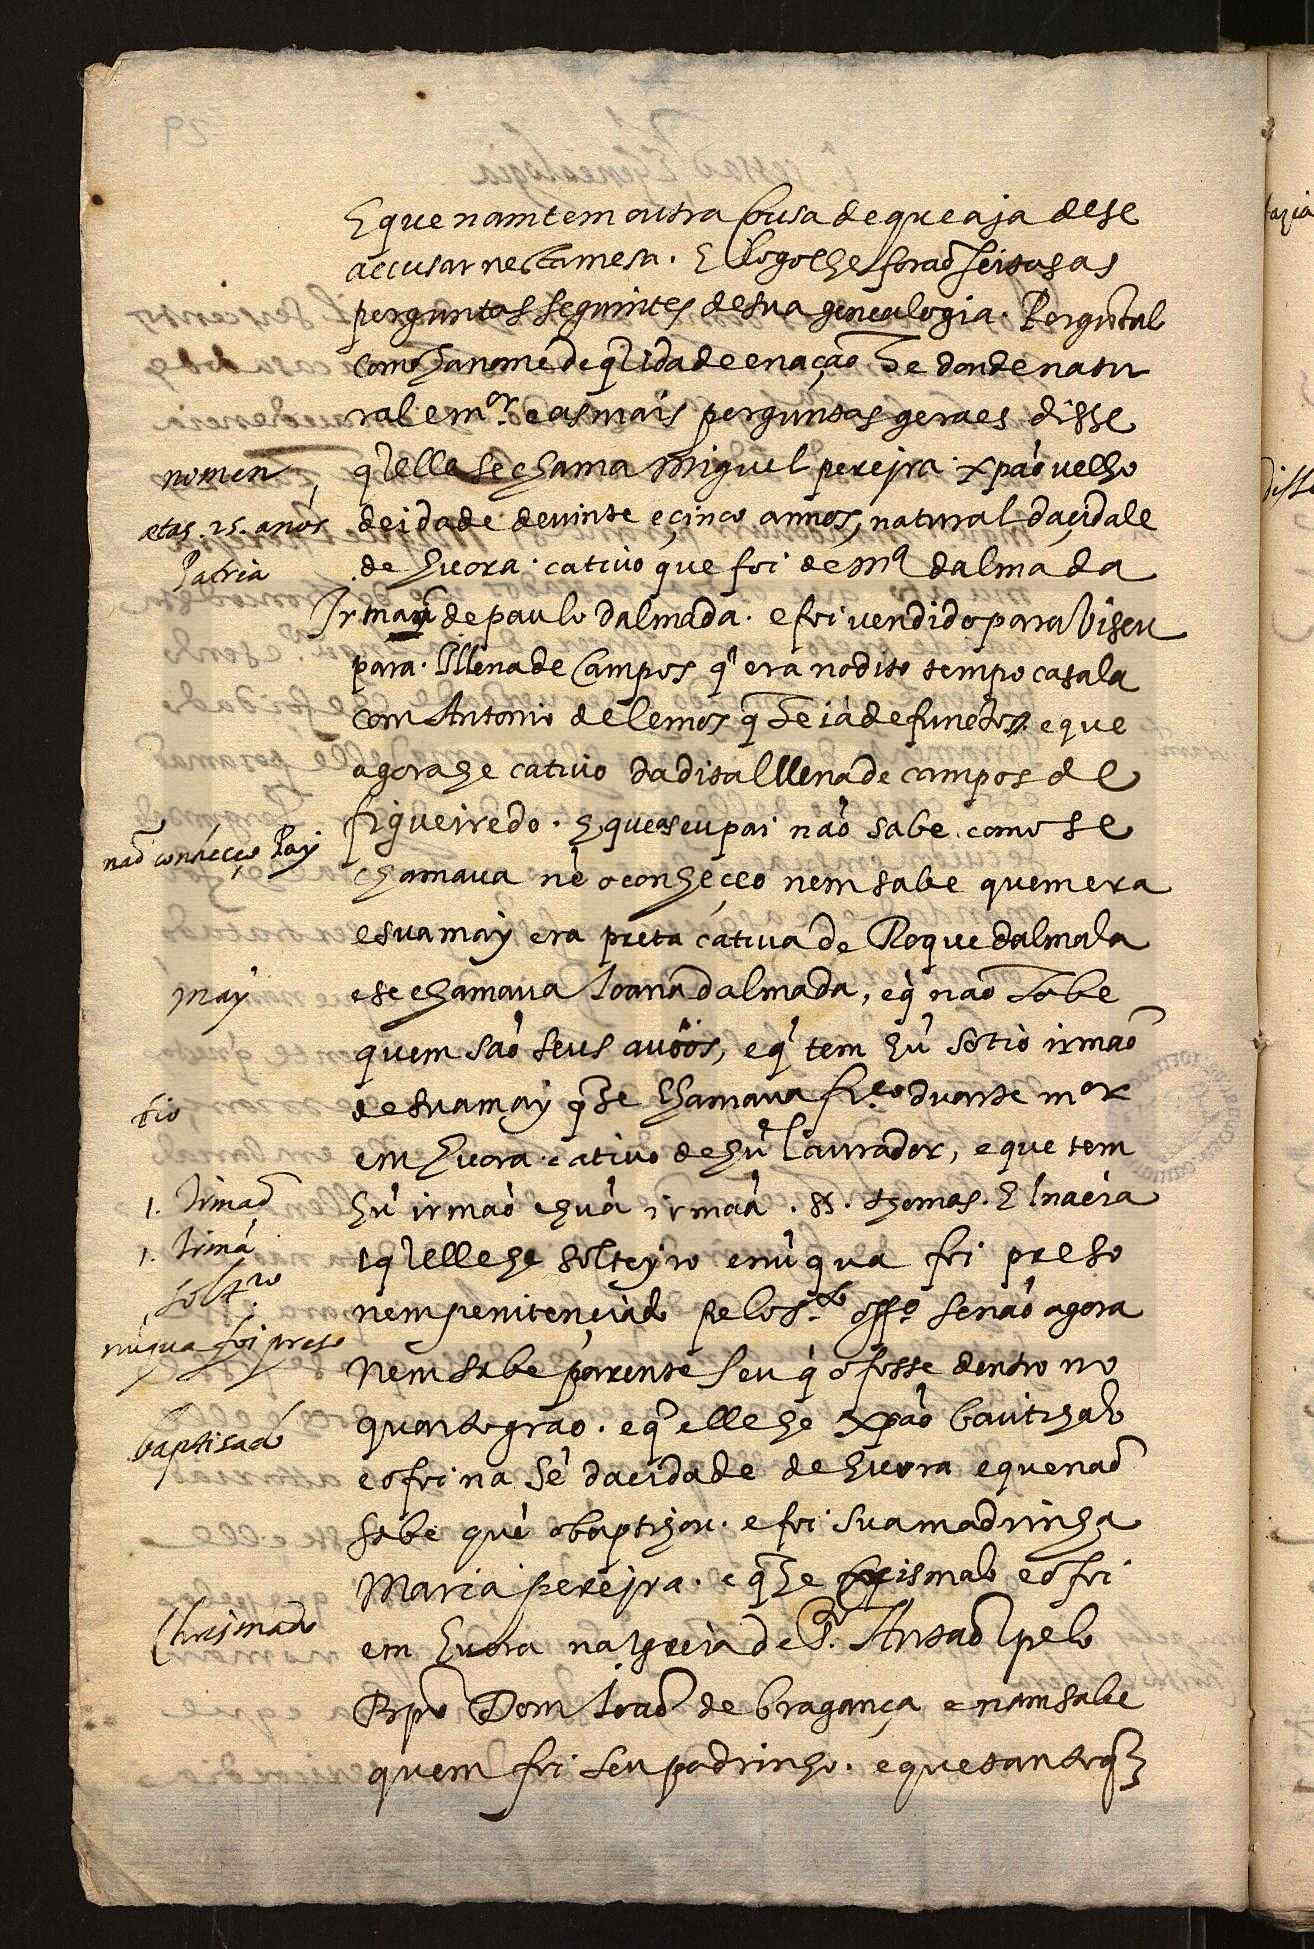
E que nam tem outra Cousa de que aja dese
accusar nesta mesa. E logo lhe foraõ feitas as
perguntas seguintes de sua genealogia. Pergūtad
como ha nome de q̄ idade e nação he donde natu
ral e m.or e as mais perguntas geraes disse
q̄ elle se chama miguel perejra xpão velho
de idade de vinte e çinco annos, natural da çidade
de Evora. cativo que foi de ma dalmada
Jrmã de paulo dalmada. e foi vendido para Viseu
para. Jllena de Campos q̄ era no dito tempo casada
com Antonio de lemos q̄ he ia defunctos e que
agora he cativo da dita Ellena de campos de
figueiredo. E que o seu pai naõ sabe como se
chamava nē o conheçeo nem sabe quem era
e sua may era preta cativa de Roque dalmada
e se chamava Joana dalmada, e q̄ não sabe
quem saõ seus avôos, e q̄ tem hū so tio irmaõ
de sua may q̄ se chamaba fr.co duarte mor
em Evora e ativo de hū lavrador, e que tem
hū irmaõ e huā irmaã .ss. thomas e Inacia
e q̄ elle he solteyro e nūqua foi preso
nem penitençiado pelo S.to off.o senaõ agora
nem sabe parrente seu q̄ o fosse dentro no
quarto grao. e q̄ elle he xpaõ bautizado
e o foi na Sé da cidade de Evora e que naõ
sabe quē o baptizou. e foi sua madrinha
Maria perejra. e q̄ he crismado e o foi
em Evora na igreia de S.to Antaõ pelo
Bpō Dom Joaõ de bragança e nam sabe
quem foi seu padrinho. e que tanto q̄
